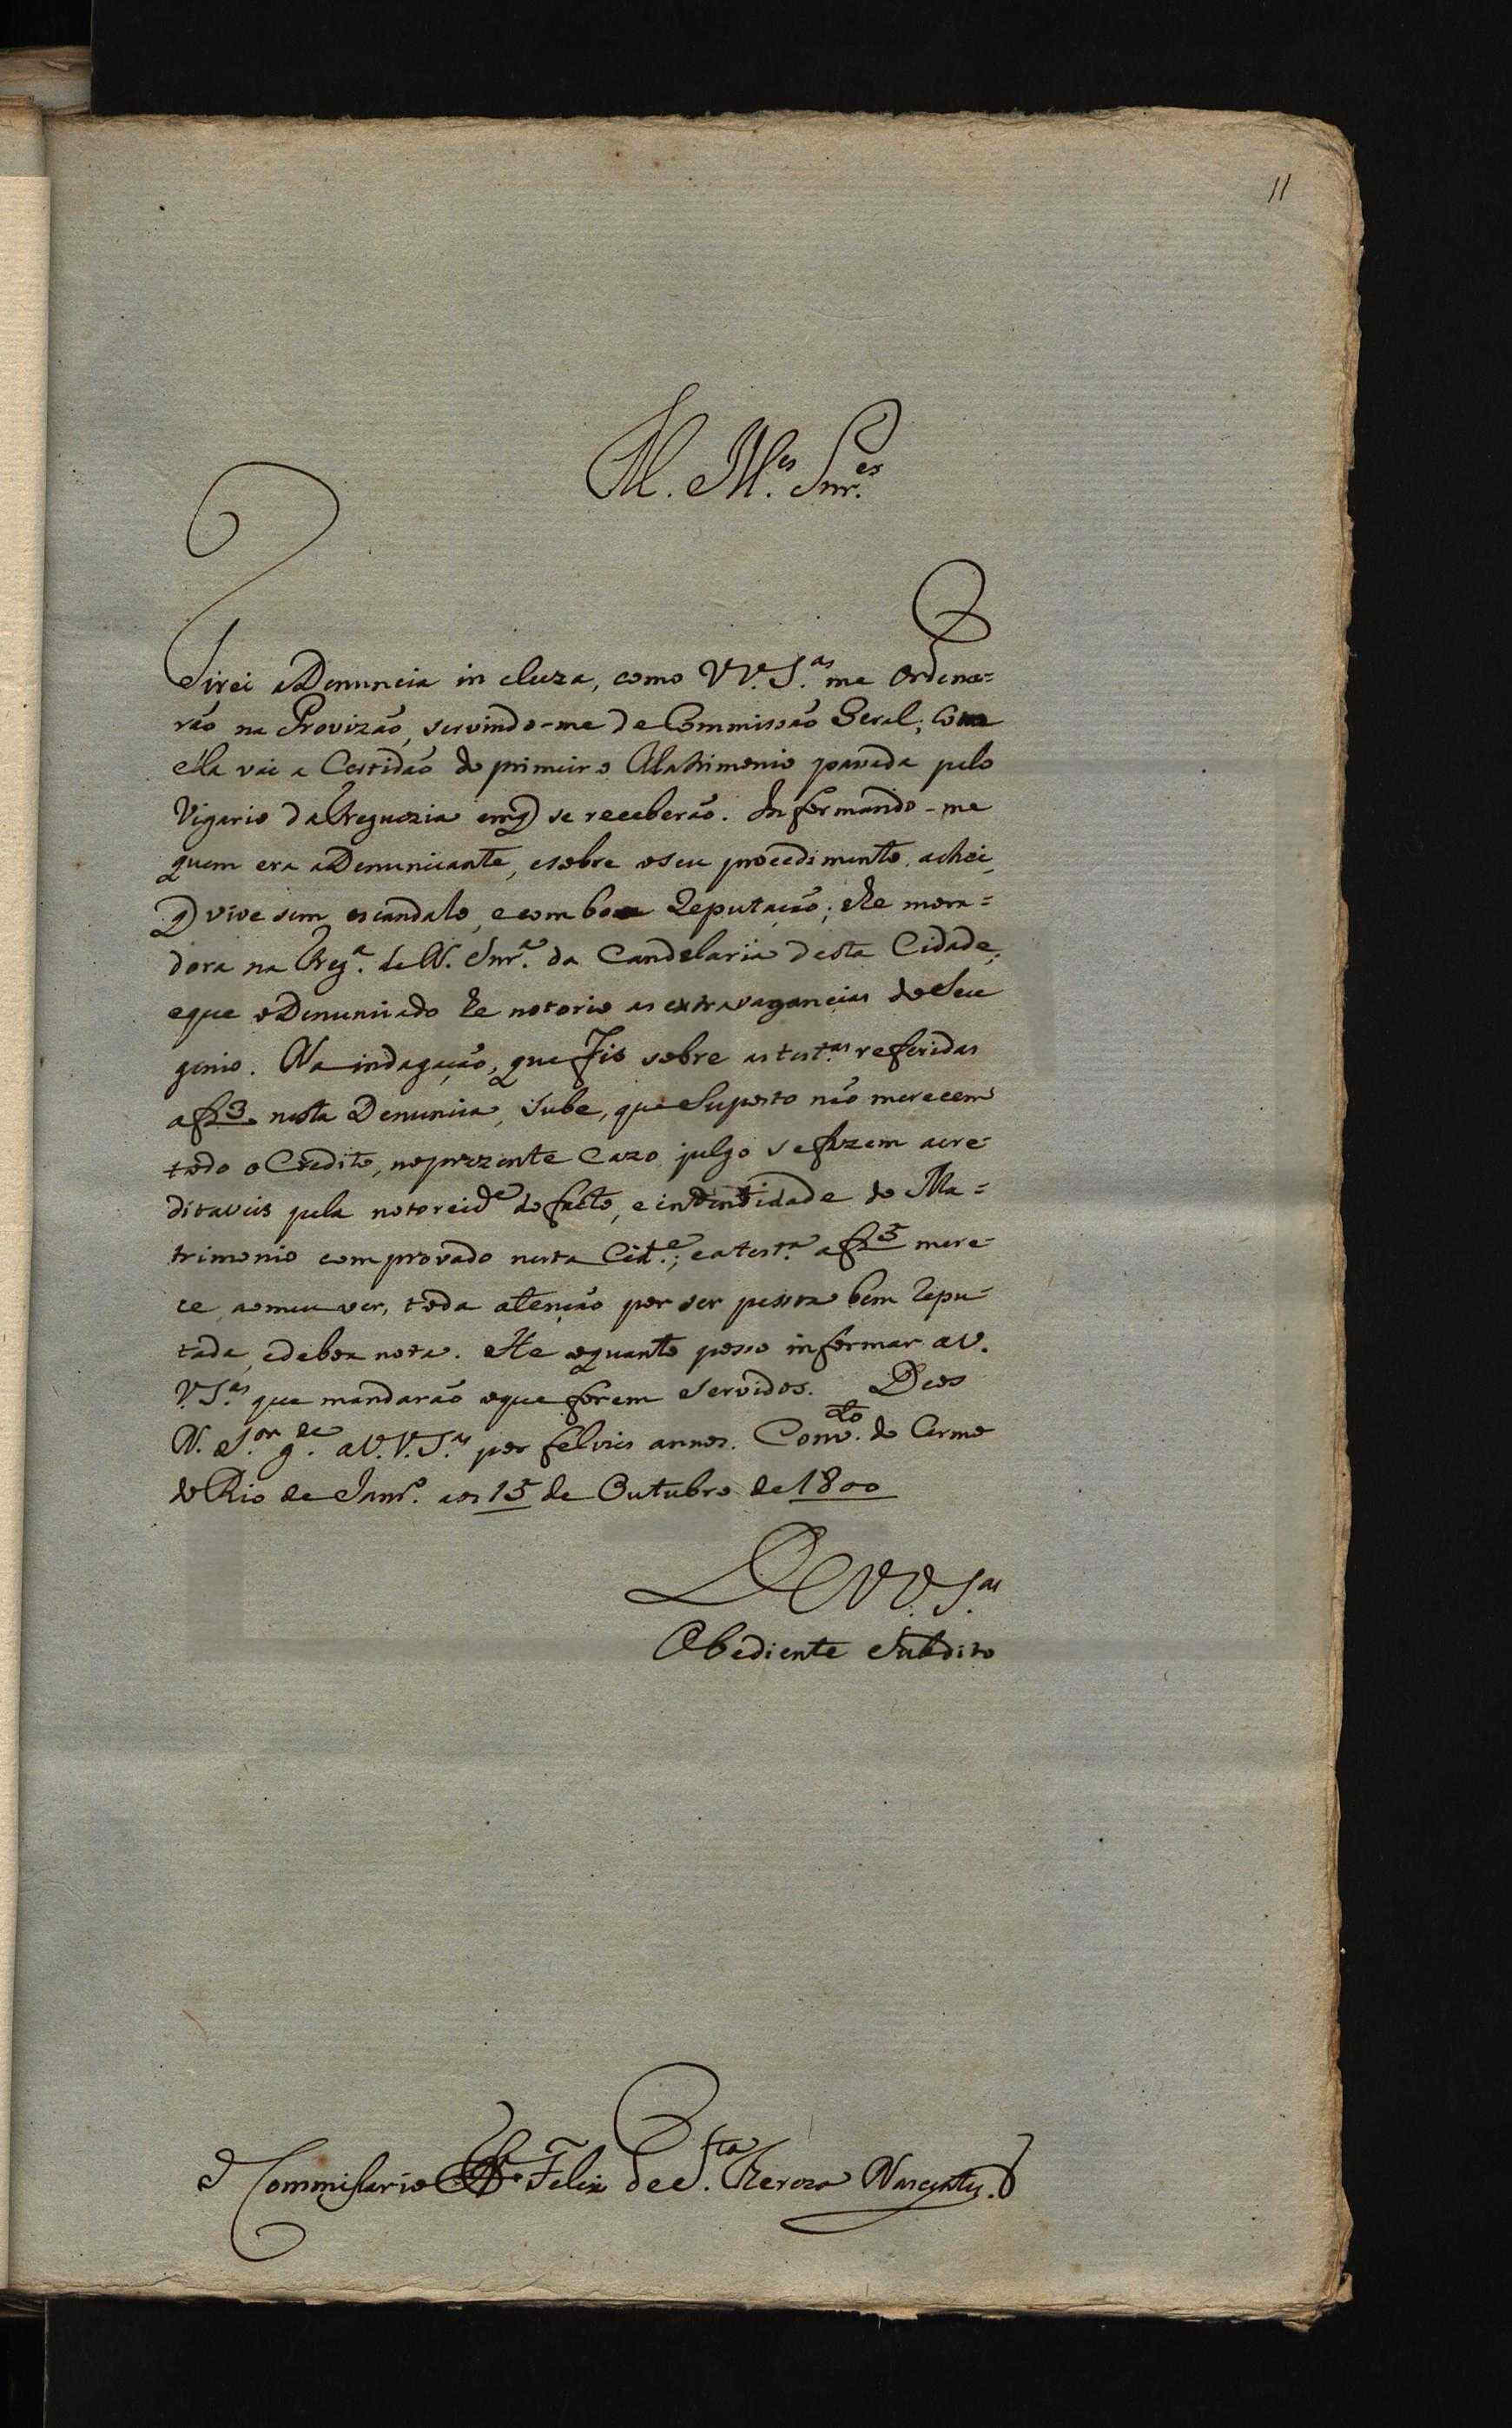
M. Ill.es Snr.es
Tirei a Denuncia incluza, como V V. S.as me ordena
raõ na Provizaõ, servindo-me da Commissaõ Geral, Com
elle vai a Certidaõ do primeiro Matrimonio passada pelo
Vigario da Freguezia em q̄ se receberaõ. Informando-me
quem era a Denunciante, e sobre o seu procedimentto, achei
q̄ vive sem escandalo, e com bo_ Reputaçaõ, e he mora
dora na Freg.a de N. Snr.a da Candelaria desta Cidade;
e que o Denunsiado he notorio as extravagançias do Seu
genio. Na indagaçaõ, que fis sobre as test.as referidas
a f̄3 nesta Denuncia, sube, que Suposto naõ merecem
todo o Credito, no prezente cazo julgo se fazem acre
ditaveis pela notoreide do facto, e indentidade do Ma
trimonio comprovado nesta Cid.e; e a test.a a f̄5 mere
ce, ao meu ver, toda atençaõ por ser pessoa bem Repu
tada e de boa nota. He o quanto posso informar a V.
V. S.as que mandaraõ o que forem servidos. Deos
N. S.or g.de a V. V. S.as por felizis annos. Conv.to do Carmo
do Rio de Ianr.o aos 15 de Outubro de 1800
De V V. S.as
Obediente subdito
O Commissario Fr Felix de S.ta Tereza Nascentes.
